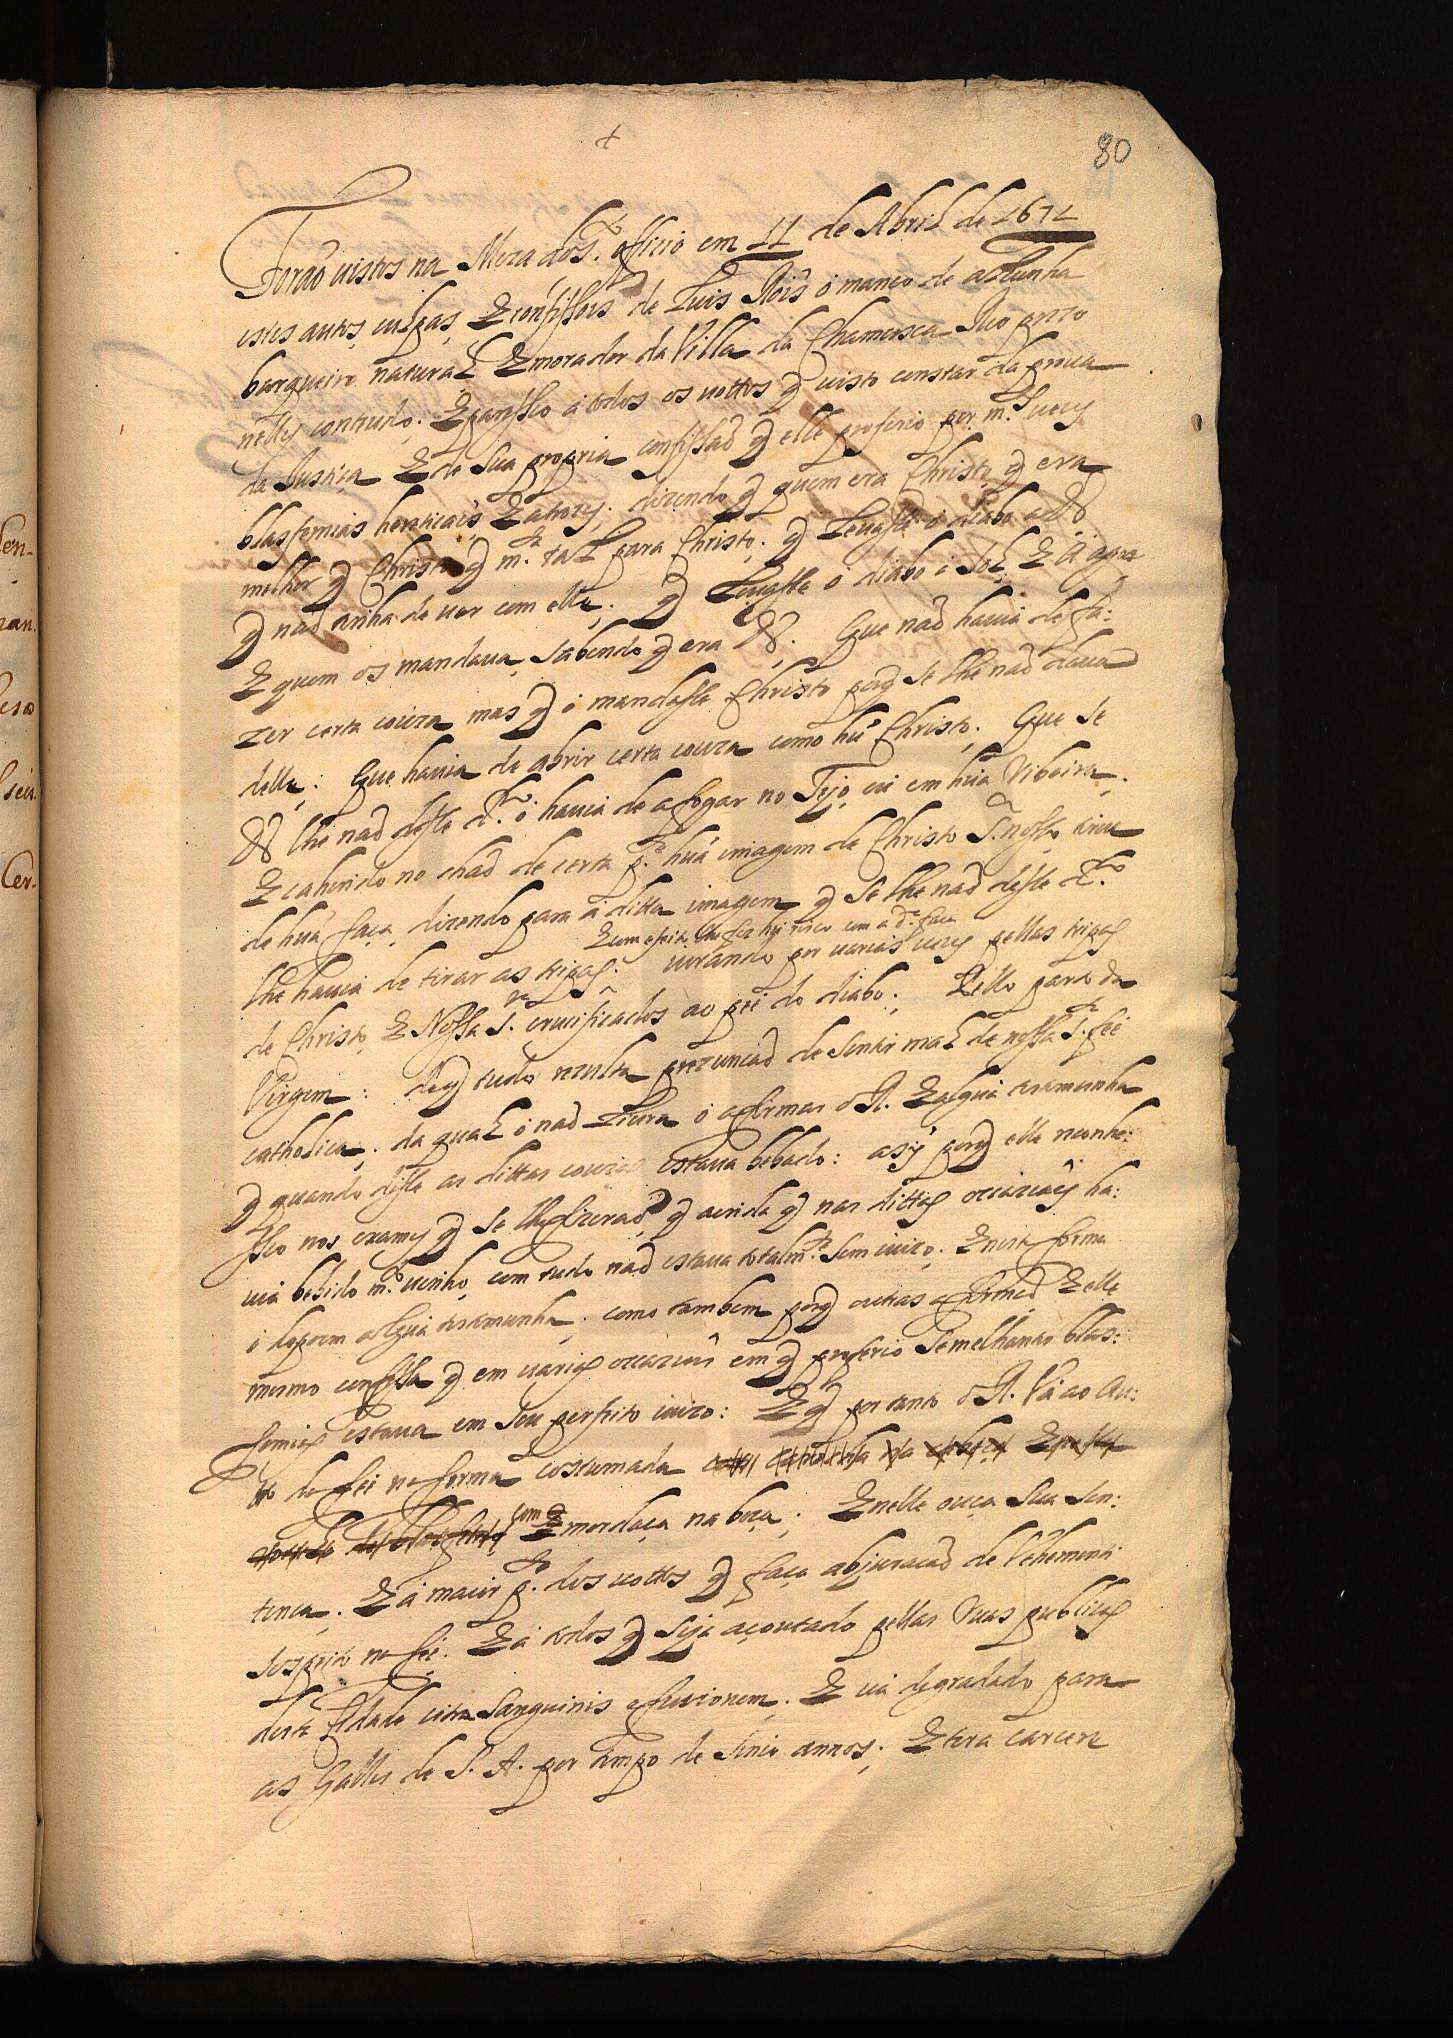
Foraõ uistos na Meza do s.to officio em 11 de Abril de 1671
estes autos, culpas E confissoĩs de Luis Rois̄ o manco de alcunha
barqueiro natural E morador da Villa da Chamusca Reo prezo
nelles conteudo; E paresseo a todos os uottos q̄ uisto constar da proua
da Iustiça E de sua propria confissaõ q̄ elle proferio por m.as uezes
blasfemias hereticaes, E atrozes; dizendo q̄ quem era Christo, q̄ era
melhor q̄ Christo q̄ m.ta tal para Christo; q̄ Leuasse o diabo a Ds̄
q̄ naõ tinha de uer com ella; q̄ Leuasse o diabo o sol, E a agoa
E quem os mandaua, sabendo q̄ era Ds̄; Que naõ hauia de fa
zer certa couza mas q̄ o mandasse Christo porq̄ se lhe naõ daua
delle; que hauia de abrir certa couza como hū Christo; que se
Ds̄ lhe naõ desse d.ro o hauia de afogar no Tejo, ou em hua ribeira;
E cahindo no chaõ de certa p.te huā imagem de Christo S.or nosso, tirou
de huā faca, dizendo para a ditta imagem q̄ se lhe não desse d.ro
lhe hauia de tirar as tripas.
E com efeito lhe fez hū risco com a d̄.a faca
iurando por uarias uezes pellas tripas
de Christo, E Nossa S.ra crusificados ao pee do diabo; Pello parto da
Virgem: de q̄ tudo rezulta prezunçaõ de sentir mal de nossa s.ta fee
catholica, da qual o naõ Liura o afirmar o R. E alguā testemunha
q̄ quando disse as dittas couzas estaua bebado: asy porq̄ elle reconhe
sseo nos exames q̄ se lhe fizeraõ, q̄ ainda q̄ nas dittas occazioẽs ha
uia bebido m.to uinho, comtudo naõ estaua totalm.te sem iuizo; E nesta forma
o depoem alguā testemunha; como tambem porq̄ outras afirmaõ E elle
mesmo confessa q̄ em uarias occazioĩs em q̄ preferio semelhantes blas
femias estaua em seu perfeito iuizo: E q̄ portanto o R. Vá ao au
tto da fee na forma costumada
com _ mordaça na boca; E nelle ouça sua sen
tenca; E a maior p.te dos uottos q̄ faça abjuraçaõ de Vehementi
sospeito na fee; E a todos q̄ seja açoutado pellas ruas publicas
desta Cidade citra sanguinis efusionem; E uá degradado para
as Galles de S. A. por tempo de sinco annos; E tera carcere
